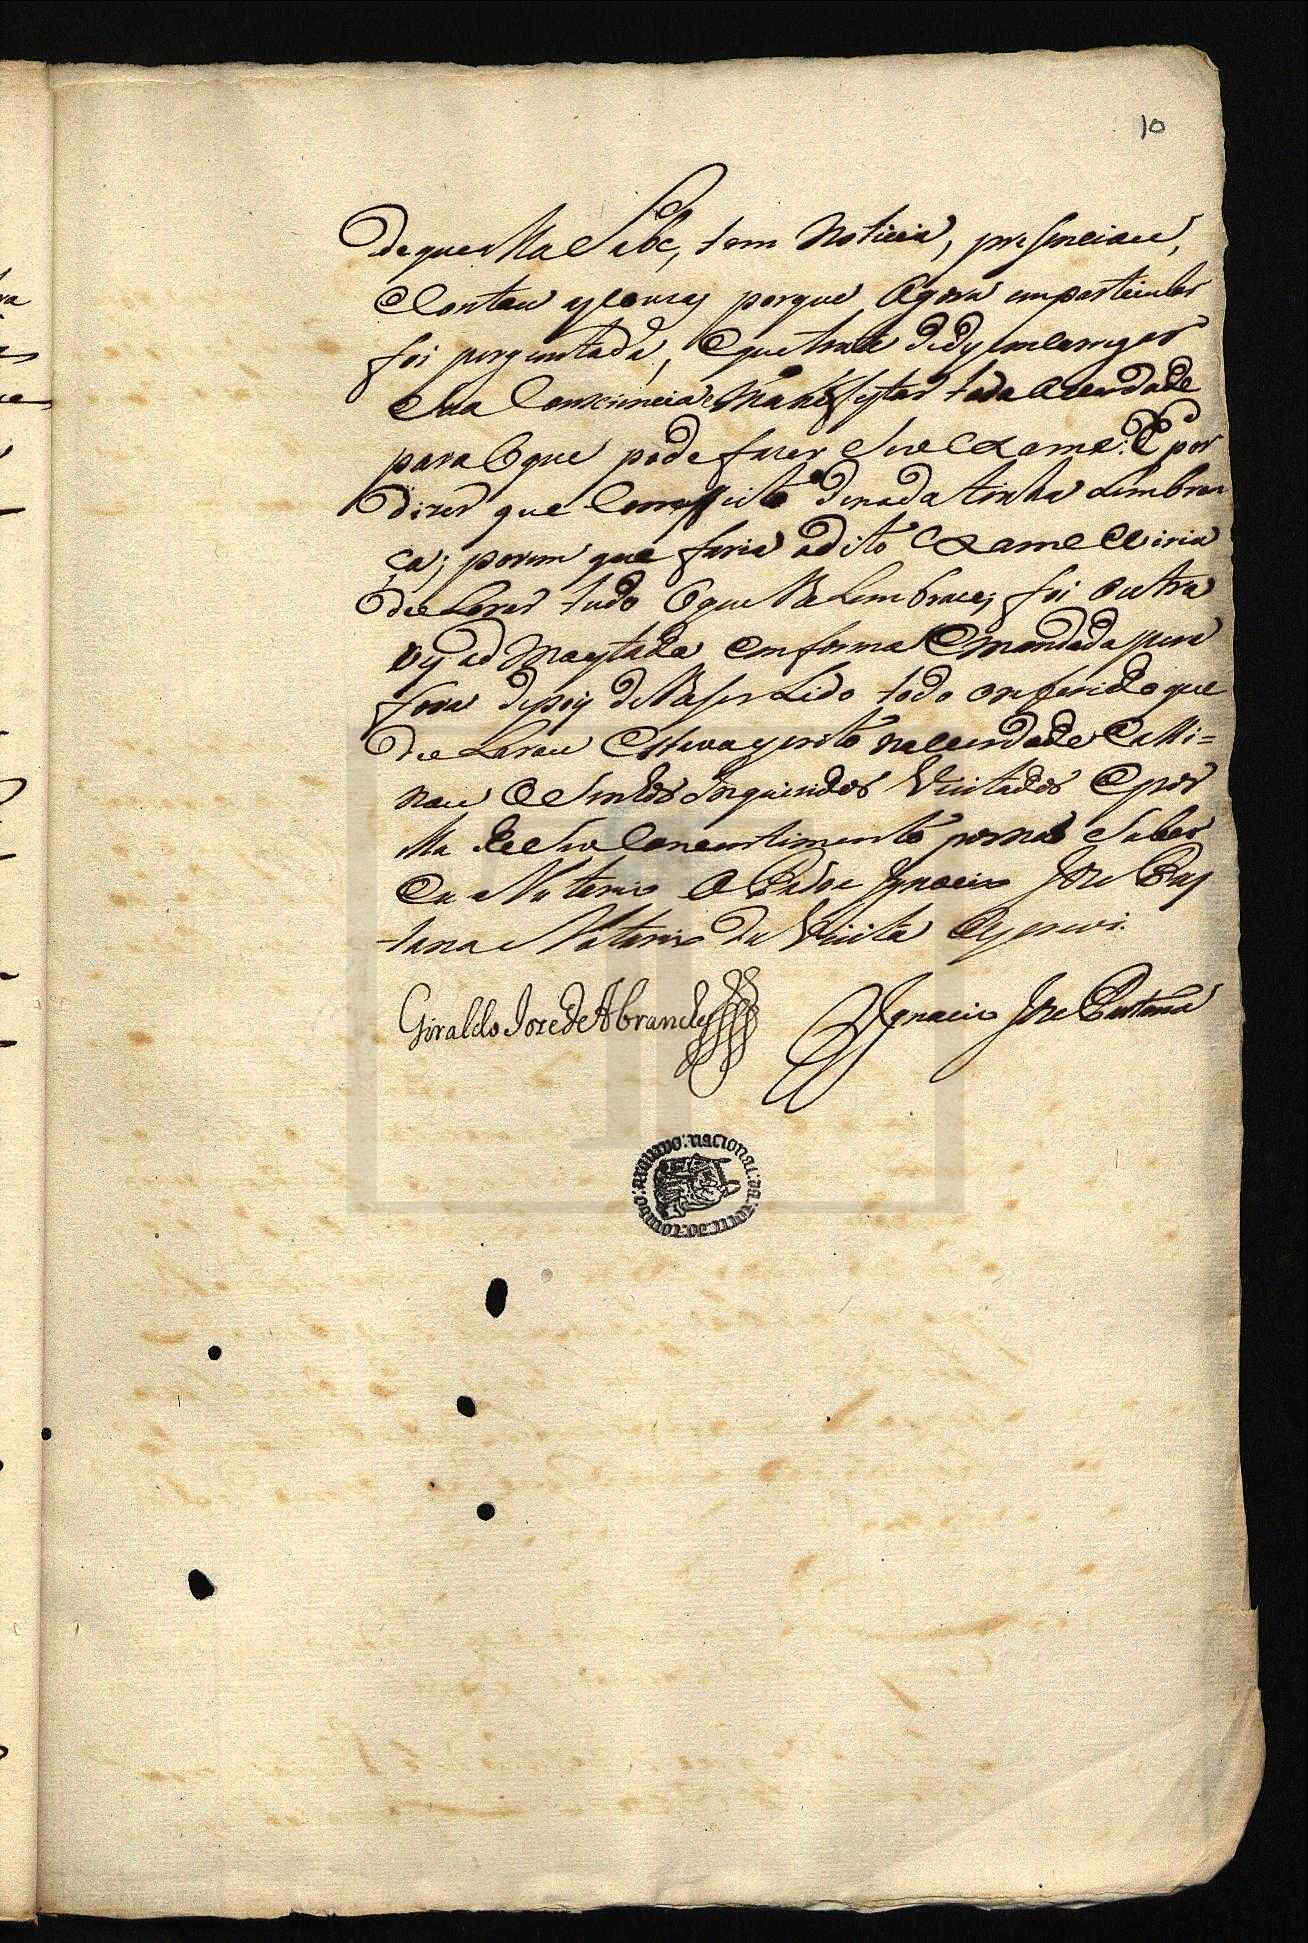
10
de que ella sabe, tem noticia, presenciou,
e contou as couzas porque agora em particular
foi perguntada, e que trata de desemcarregar
sua consciencia e manefestar toda a verdade
para O que pode fazer seu exame: E por
dizer que Com effeito de nada tinha Lembran
ça; porem que faria o dito exame e viria
decLarar tudo O que lhe Lembrace; foi outra
ves admoestada conforme e mandada para
fora depois delhe ser Lido todo o referido que
decLarou estava escrito na verdade e assi
nou o Senhor Inquizidor Visitador e por
ella E seu concentimento por naõ saber
eu Notario O Padre Ignacio Joze Pas
tana Notario da Visita O escrevi.
Giraldo Ioze de Abranches
O Jgnacio Joze Pastana
